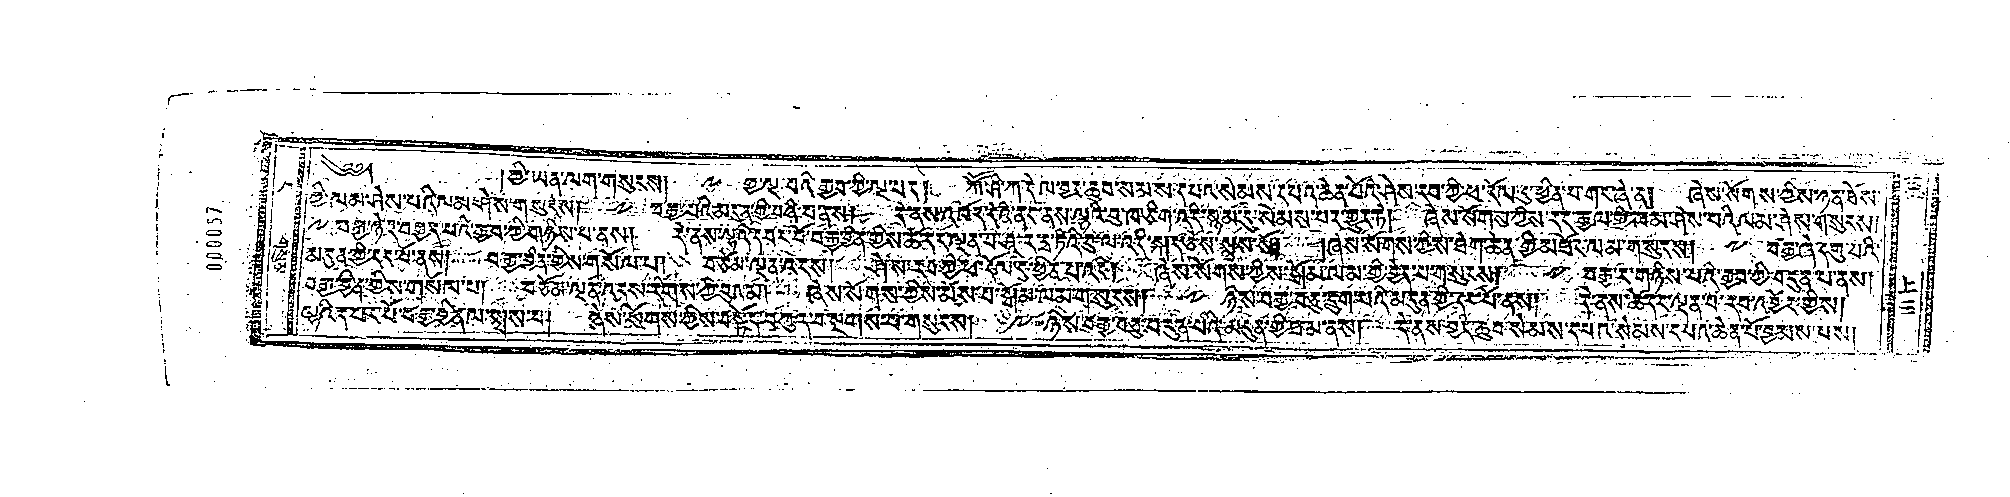༄༅། །ཀྱི་ཡན་ལག་གསུངས། ༧་གྱ་ལྔ་པའི་རྒྱབ་ཀྱི་ལྔ་པར། ཀཽ་ཤི་ཀ་དེ་ལ་བྱང་ཆུབ་སེམས་དཔའ་སེམས་དཔའ་ཆེན་པོའི་ཤེས་རབ་ཀྱི་ཕ་རོལ་དུ་ཕྱིན་པ་གང་ཞེ་ན། ཞེས་སོགས་ཀྱིས་ཉན་ཐོས་
ཀྱི་ལམ་ཤེས་པའི་ལམ་ཤེས་གསུངས། ༧་བརྒྱ་པའི་མདུན་གྱི་བཞི་པ་ནས། དེ་ནས་འཁོར་དེའི་ནང་ནས་ལྷའི་བུ་ཁ་ཅིག་འདི་སྙམ་དུ་སེམས་པར་གྱུར་ཏེ། ཞེས་སོགས་ཀྱིས་རང་རྒྱལ་གྱི་ལམ་ཤེས་པའི་ལམ་ཤེས་གསུངས།
༧་བརྒྱ་ཉེར་བརྒྱད་པའི་རྒྱབ་ཀྱི་གཉིས་པ་ནས། དེ་ནས་ལྷའི་དབང་བོ་བརྒྱ་བྱིན་གྱིས་ཚེ་དང་ལྡན་པ་ཤཱ་ར་དྭ་ཏིའི་བུ་ལ་འདི་སྐད་ཅེས་སྨྲས་སོ། །ཞེས་སོགས་ཀྱིས་ཐེག་ཆེན་གྱི་མཐོང་ལམ་གསུངས། ༧་བརྒྱ་ཞེ་དགུ་པའི་
མདུན་གྱི་དང་པོ་ནས། བརྒྱ་བྱིན་གྱིས་གསོལ་པ། བཅོམ་ལྡན་འདས། ཤེས་རབ་ཀྱི་ཕ་རོལ་དུ་ཕྱིན་པ་འདི། ཞེས་སོགས་ཀྱིས་སྒོམ་ལམ་གྱི་བྱེད་པ་གསུངས། ༧་བརྒྱ་ང་གཉིས་པའི་རྒྱབ་ཀྱི་བདུན་པ་ནས།
བརྒྱ་བྱིན་གྱིས་གསོལ་པ། བཅོམ་ལྡན་འདས་རིགས་ཀྱི་བུའམ། ཞེས་སོགས་ཀྱིས་མོས་པ་སྒོམ་ལམ་གསུངས། ༧་ཉིས་བརྒྱ་བཅུ་དྲུག་པའི་མདུན་གྱི་དང་པོ་ནས། དེ་ནས་ཚེ་དང་ལྡན་པ་རབ་འབྱོར་གྱིས།
ལྷའི་དབང་པོ་བརྒྱ་བྱིན་ལ་སྨྲས་པ། ཞེས་སོགས་ཀྱིས་བསྟོད་བཀུར་བསྔགས་པ་གསུངས། ༧་ཉིས་བརྒྱ་བཅུ་བདུན་པའི་མདུན་གྱི་ཐ་མ་ནས། དེ་ནས་བྱང་ཆུབ་སེམས་དཔའ་སེམས་དཔའ་ཆེན་པོ་བྱམས་པས།